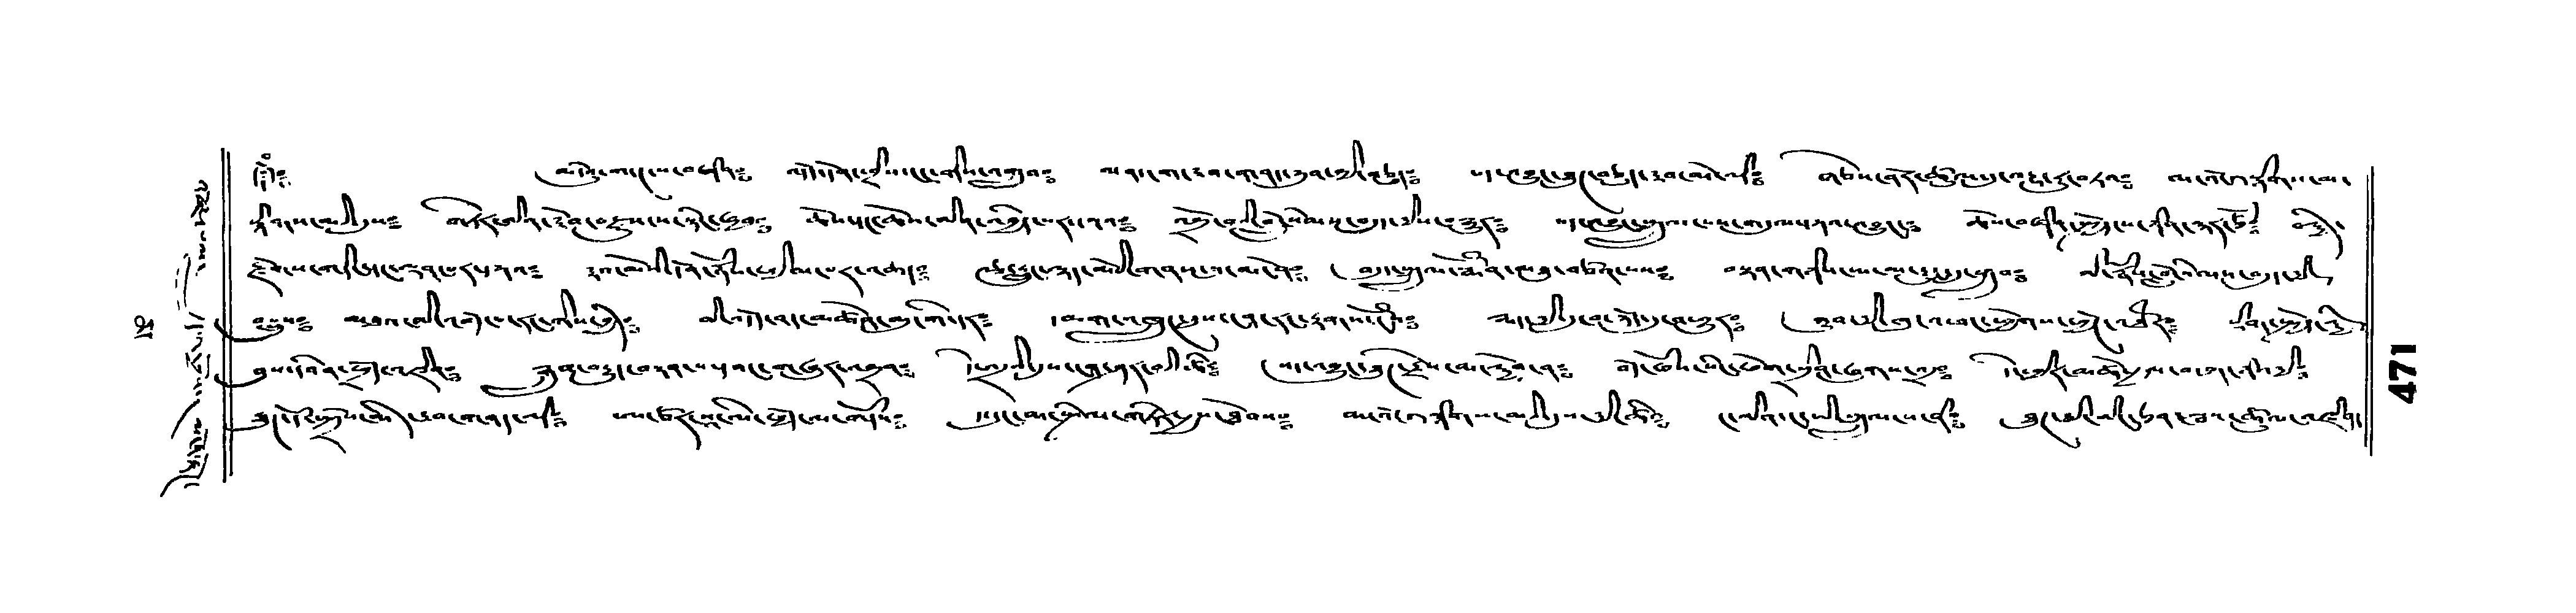མདེའུ་གདགས་པ་བཞིན༔ འདོད་དོན་ཕྲིན་ལས་ངང་གིས་འགྲུབ༔ མན་ངག་ཟབ་གནད་ཀུན་གྱི་བཅུད༔ པད་འབྱུང་ཐུགས་བཅུད་ཟབ་མོ་འདི༔ གཅེས་ནོར་ཚུལ་དུ་བརྡ་རུ་བཏབ༔ མ་འོངས་སྙིགས་མ་
སྙིགས་མའི་དུས༔ གཏེར་མིན་ཟོབ་བརྫུས་ས་སྟེང་ཁྱབ༔ ཆོས་དང་ཆོས་མིན་འབྱེད་པར་དཀའ༔ འགྲོ་བའི་བློ་སེམས་བདུད་ཀྱིས་བསྒྱུར༔ པད་འབྱུང་སྤྲུལ་པས་གདུལ་དཀའ་འབྱུང༔ ཆོས་བཞིན་སྤྱོད་པ་ཉིན་སྐར་ཙམ༔ བསྐྱེད་
རྫོགས་གདིང་དང་ལྡན་པར་དཀའ༔ ཟབ་མོའི་དོན་རྣམས་ཁྱིམ་པར་འཆད༔ རྩ་རླུང་ལྟད་མོའི་གནས་སུ་མངོན༔ བདུད་སྤྲུལ་སྨོན་ལམ་མཐུ་བཙན་པས༔ བསྟན་གཉིས་ཡ་མ་ཟུང་དུ་གྲུབ༔ མི་རྣམས་བློ་སེམས་བདུད་ཀྱིས་
བསླུས༔ མཐའ་མི་འབོད་པ་རང་གིས་བྱེད༔ མི་འདོད་ནད་མཚོན་མུ་གེ་དར༔ དམག་འཁྲུགས་དུས་ངན་རང་རྟགས་ངོམས༔ སྨད་ཀྱི་དུ་བ་སྟོད་དུ་འཕྱུར༔ ནུབ་ཀྱི་ཁུ་འཕང་ཕྱོགས་ཕྱོགས་འཐོར༔ སྡིག་སྤྱོད་སྐྱེས་
བུས་དབེན་ཕྲོད་འཛིན༔ སྒྲུབ་བརྒྱུད་བསྟན་པ་དབང་གཞུར་འགྲན༔ དེ་འདྲའི་དུས་ངན་ཤར་བའི་ཚེ༔ པད་འབྱུང་ཐུགས་རྗེས་མ་སྐྱོབ་ན༔ བོད་ཁམས་སེང་ཁོག་སྲིན་ཞུགས་འདྲ༔ དེ་ཕྱིར་མཚོ་རྒྱལ་བདག་ཉིད་ཀྱི༔ 
ཐུགས་དམ་སྤྲོས་མེད་ཟབ་གནད་འདི༔ ཨ་ཙར་སཱ་ལེ་ཁྱོད་ལ་གདམས༔ ད་དུང་མ་སྤེལ་གཏེར་རྒྱས་ཐོབས༔ མ་འོངས་སྙིགས་མའི་དུས་ཀྱི་ཚེ༔ ང་མིན་ང་ཡི་སྤྲུལ་པ་ནི༔ ཐུགས་ཀྱི་མིང་ཅན་སྦས་ཚུལ་འཛིན༔